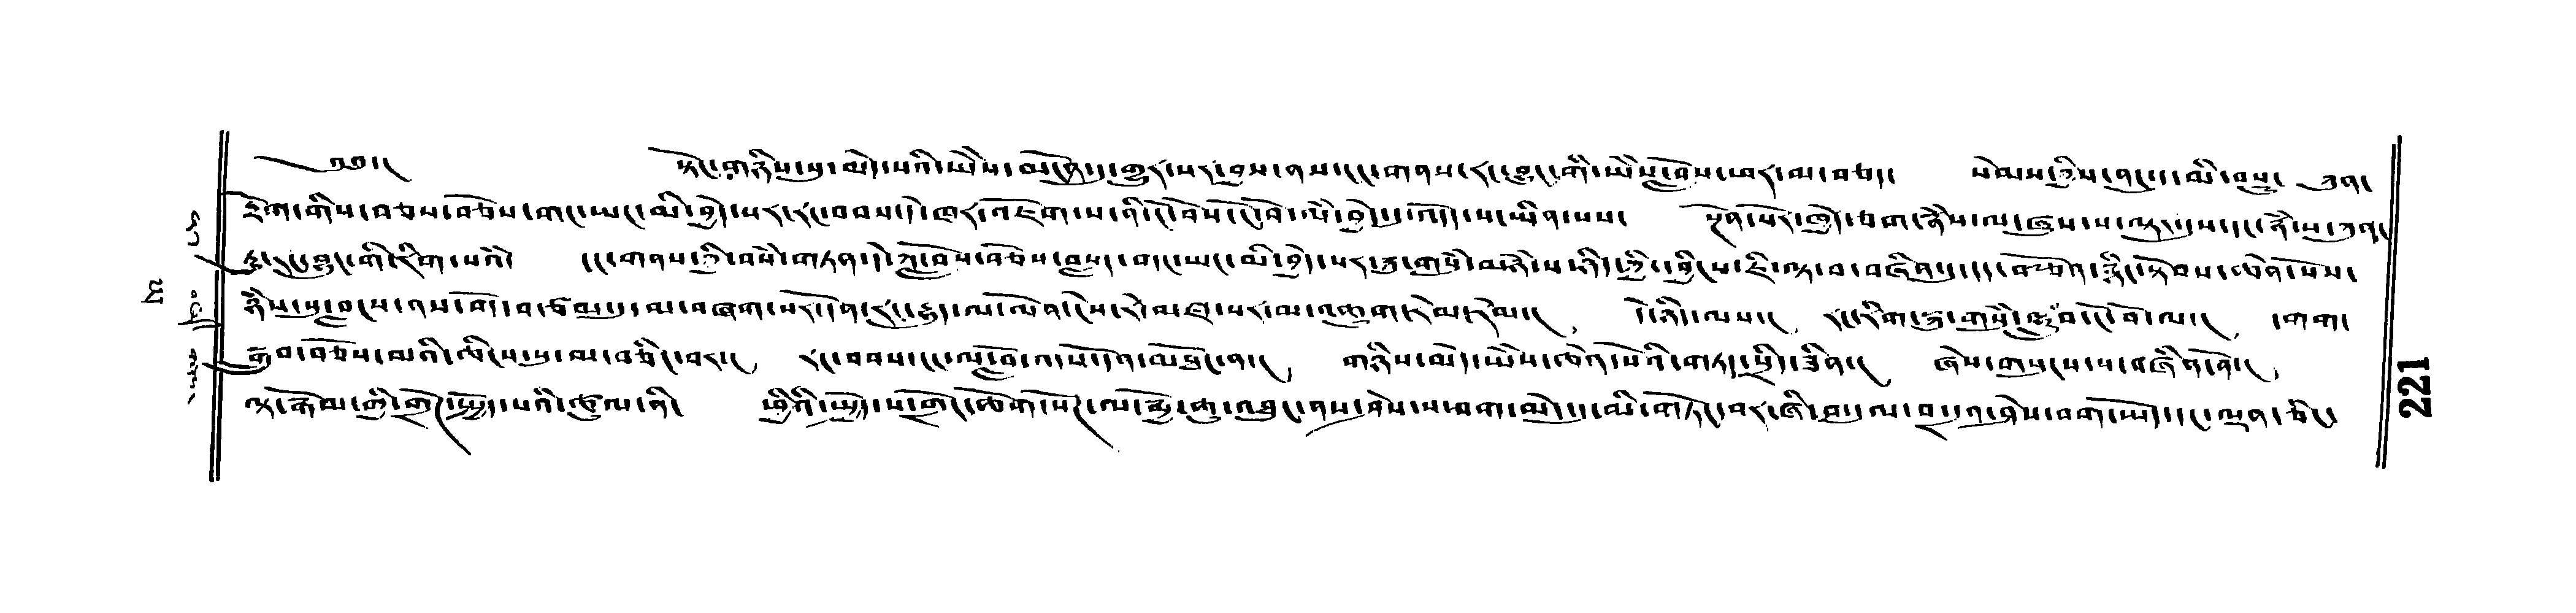སྟོང་གཉིས་སུ་མེད་པའི་ཡེ་ཤེས་མངོན་དུ་གྱུར་པར་བྱས་ནས་ངང་གནས་རང་བྱུང་གི་ཡེ་ཤེས་བློས་ཕར་མ་བཅད། སེམས་ཀྱིས་ནང་དུ་མི་བསྡུ། ཀུན་
རྟོག་གིས་བཅས་བཅོས་གང་ཡང་མི་བྱེད་པར་རང་བབས་དེ་ཁར་འཇོག་པ་ནི་ངོ་བོས་ངོ་བོ་ལམ་བྱེད་དུ་འདོད་པ་ཡིན་པས། སྔོན་པསར་ཁྱེད་ཅག་རྣམས་ལ་ཞུས་པ་ལྟར་དུས་དང་རྣམ་པ་ཀུན་
ཏུ་རང་བྱུང་གི་རིག་པའམ། ངང་གནས་ཀྱི་བསམ་གཏན་དེ་ཀ་བློས་བཅོས་བསླད་གང་ཡང་མི་བྱེད་པར་སྐུ་གསུམ་མཉམ་པ་ཉིད་ཀྱི་དབྱིངས་ཇི་ལྟ་བ་བཞིན་དུ་དད་བརྩོན་སྙིང་སྟོབས་ཆེན་པོས་
ཉམས་སུ་བླངས་ནས་གོ་བ་ཙམ་དུ་མ་བཞག་པར་དོན་རང་རྒྱུད་ལ་ལོན་ངེས་རེ་མཛད་པར་མ་འཆུག་རེམ་རེམ། དེ་ཉིད་ལས། རང་རིག་སྐུ་གསུམ་ལྷུན་གྲུབ་ངོ་བོ་ལ། །དགག་
སྒྲུབ་བཅོས་མའི་ཆིངས་སུ་མ་བཅིང་བར། །རང་བབས་ངང་ལས་བློ་འདས་དོན་མཐོང་ན། །གཉིས་མེད་ཡེ་ཤེས་ཆེན་པོའི་གཏན་སྲིད་ཟིན།ཞེས་གསུངས་པ་བཞིན་ནོ། 
ལྟ་སྒོམ་གྱི་གྲོགས་སྤྱོད་པའི་ཚུལ་ནི། ཕྱིའི་སྤྱོད་པ་གྲོང་ཆོག་སོགས་ལ་སྨྱོ་ཆུ་འཐུང་ནས་ཤེས་པ་བག་མེད་དུ་མི་གཏོང་བར་ཞི་བ་དུལ་བ་དྲན་ཤེས་བག་ཡོད་དང་ལྡན་ཅིང་